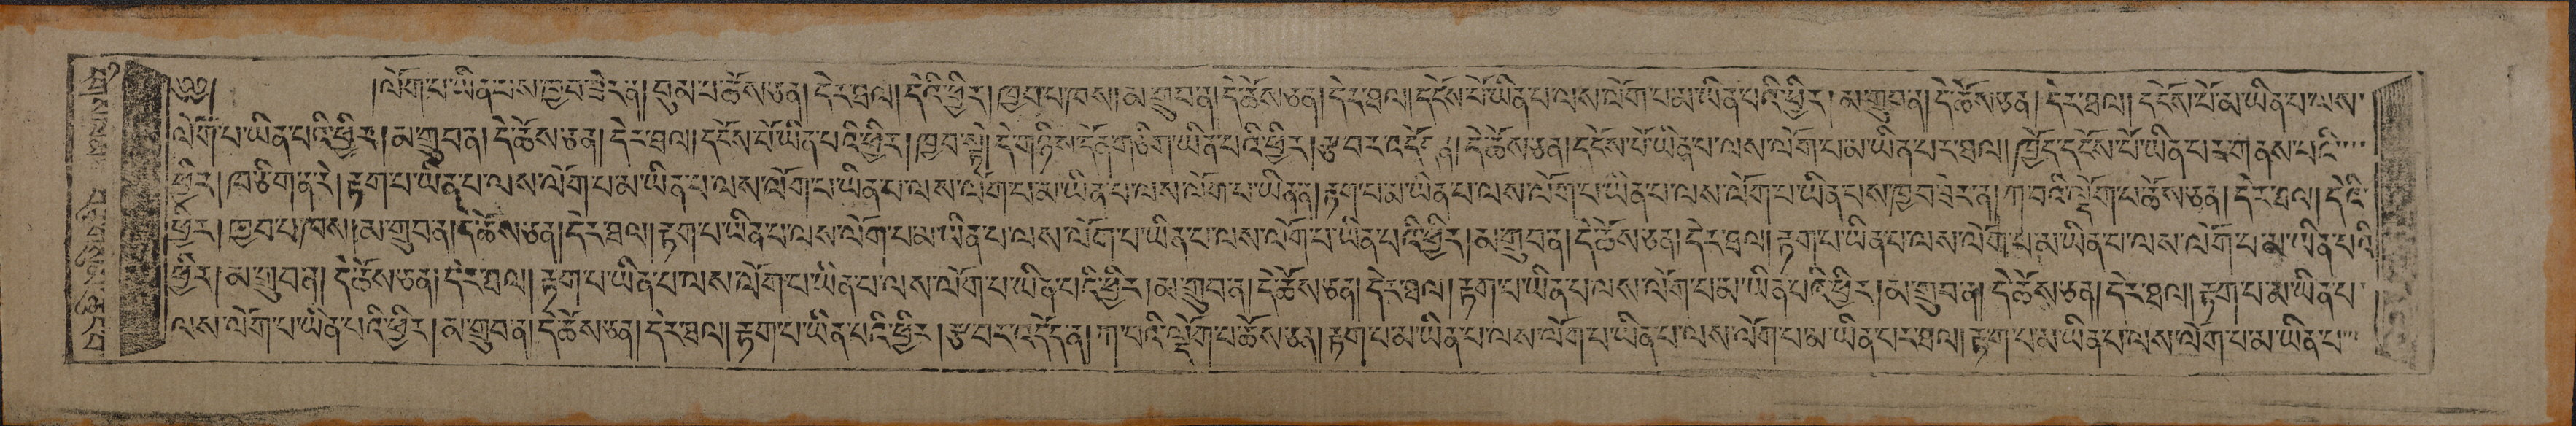༄༅། །ལོག་པ་ཡིན་པས་ཁྱབ་ཟེར་ན། བུམ་པ་ཆོས་ཅན། དེར་ཐལ། དེའི་ཕྱིར། ཁྱབ་པ་ཁས། མ་གྲུབ་ན། དེ་ཆོས་ཅན། དེར་ཐལ། དངོས་པོ་ཡིན་པ་ལས་ལོག་པ་མ་ཡིན་པའི་ཕྱིར། མ་གྲུབ་ན། དེ་ཆོས་ཅན། དེར་ཐལ། དངོས་པོ་མ་ཡིན་པ་ལས་
ལོག་པ་ཡིན་པའི་ཕྱིར། མ་གྲུབ་ན། དེ་ཆོས་ཅན། དེར་ཐལ། དངོས་པོ་ཡིན་པའི་ཕྱིར། ཁྱབ་སྟེ། དེ་གཉིས་དོན་གཅིག་ཡིན་པའི་ཕྱིར། རྩ་བར་འདོད་ན། དེ་ཆོས་ཅན། དངོས་པོ་ཡིན་པ་ལས་ལོག་པ་མ་ཡིན་པར་ཐལ། ཁྱོད་དངོས་པོ་ཡིན་པར་གནས་པའི་
ཕྱིར། ཁ་ཅིག་ན་རེ། རྟག་པ་ཡིན་པ་ལས་ལོག་པ་མ་ཡིན་པ་ལས་ལོག་པ་ཡིན་པ་ལས་ལོག་པ་མ་ཡིན་པ་ལས་ལོག་པ་ཡིན་ན། རྟག་པ་མ་ཡིན་པ་ལས་ལོག་པ་ཡིན་པ་ལས་ལོག་པ་ཡིན་པས་ཁྱབ་ཟེར་ན། ཀ་བའི་ལྡོག་པ་ཆོས་ཅན། དེར་ཐལ། དེའི་
ཕྱིར༑ ཁྱབ་པ་ཁས། མ་གྲུབ་ན། དེ་ཆོས་ཅན། དེར་ཐལ། རྟག་པ་ཡིན་པ་ལས་ལོག་པ་མ་ཡིན་པ་ལས་ལོག་པ་ཡིན་པ་ལས་ལོག་པ་ཡིན་པའི་ཕྱིར། མ་གྲུབ་ན། དེ་ཆོས་ཅན། དེར་ཐལ། རྟག་པ་ཡིན་པ་ལས་ལོག་པ་མ་ཡིན་པ་ལས་ལོག་པ་མ་ཡིན་པའི་
ཕྱིར༑ མ་གྲུབ་ན། དེ་ཆོས་ཅན། དེར་ཐལ། རྟག་པ་ཡིན་པ་ལས་ལོག་པ་ཡིན་པ་ལས་ལོག་པ་ཡིན་པའི་ཕྱིར། མ་གྲུབ་ན། དེ་ཆོས་ཅན། དེར་ཐལ། རྟག་པ་ཡིན་པ་ལས་ལོག་པ་མ་ཡིན་པའི་ཕྱིར། མ་གྲུབ་ན། དེ་ཆོས་ཅན། དེར་ཐལ། རྟག་པ་མ་ཡིན་པ་
ལས་ལོག་པ་ཡིན་པའི་ཕྱིར། མ་གྲུབ་ན། དེ་ཆོས་ཅན། དེར་ཐལ། རྟག་པ་ཡིན་པའི་ཕྱིར། རྩ་བར་འདོད་ན། ཀ་བའི་ལྡོག་པ་ཆོས་ཅན། རྟག་པ་མ་ཡིན་པ་ལས་ལོག་པ་ཡིན་པ་ལས་ལོག་པ་མ་ཡིན་པར་ཐལ། རྟག་པ་མ་ཡིན་པ་ལས་ལོག་པ་མ་ཡིན་པ་